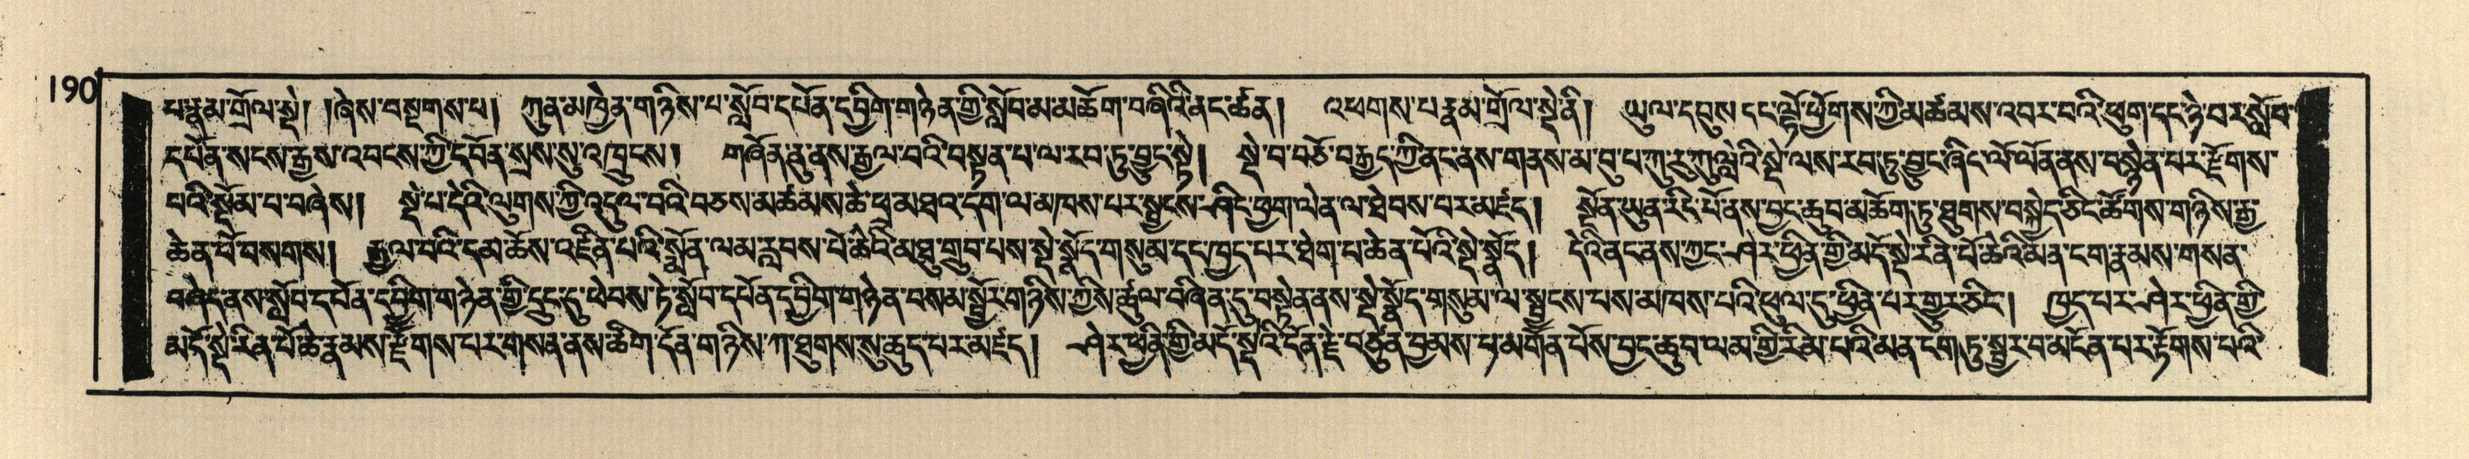པ་རྣམ་གྲོལ་སྡེ། །ཞེས་བསྔགས་པ། ཀུན་མཁྱེན་གཉིས་པ་སློབ་དཔོན་དབྱིག་གཉེན་གྱི་སློབ་མ་མཆོག་བཞིའི་ནང་ཚན། འཕགས་པ་རྣམ་གྲོལ་སྡེ་ནི། ཡུལ་དབུས་དང་ལྷོ་ཕྱོགས་ཀྱི་མཚམས་འབར་བའི་ཕུག་དང་ཉེ་བར་སློབ་
དཔོན་སངས་རྒྱས་འབངས་ཀྱི་དབོན་སྲས་སུ་འཁྲུངས། གཞོན་ནུ་ནས་རྒྱལ་བའི་བསྟན་པ་ལ་རབ་ཏུ་བྱུང་སྟེ། སྡེ་བ་བཅོ་བརྒྱད་ཀྱི་ནང་ནས་གནས་མ་བུ་པ་ཀུ་རུ་ཀུ་ལླེའི་སྡེ་ལས་རབ་ཏུ་བྱུང་ཞིང་ལོ་ལོན་ནས་བསྙེན་པར་རྫོགས་
པའི་སྡོམ་པ་བཞེས། སྡེ་པ་དེའི་ལུགས་ཀྱི་འདུལ་བའི་བཅས་མཚམས་ཆེ་ཕྲ་མཐའ་དག་ལ་མཁས་པར་སྦྱངས་ཤིང་ཕྱག་ལེན་ལ་ཐེབས་པར་མཛད། སྔོན་ཡུན་རིང་པོ་ནས་བྱང་ཆུབ་མཆོག་ཏུ་ཐུགས་བསྐྱེད་ཅིང་ཚོགས་གཉིས་རྒྱ་
ཆེན་པོ་བསགས། རྒྱལ་བའི་དམ་ཆོས་འཛིན་པའི་སྨོན་ལམ་རླབས་པོ་ཆེའི་མཐུ་གྲུབ་པས་སྡེ་སྣོད་གསུམ་དང་ཁྱད་པར་ཐེག་པ་ཆེན་པོའི་སྡེ་སྣོད། དེའི་ནང་ནས་ཀྱང་ཤེར་ཕྱིན་གྱི་མདོ་སྡེ་རིན་པོ་ཆེའི་མན་ངག་རྣམས་གསན་
བཞེད་ནས་སློབ་དཔོན་དབྱིག་གཉེན་གྱི་དྲུང་དུ་ཕེབས་ཏེ་སློབ་དཔོན་དབྱིག་གཉེན་བསམ་སྦྱོར་གཉིས་ཀྱིས་ཚུལ་བཞིན་དུ་བསྟེན་ནས་སྡེ་སྣོད་གསུམ་ལ་སྦྱངས་པས་མཁས་པའི་ཕུལ་དུ་ཕྱིན་པར་གྱུར་ཅིང་། ཁྱད་པར་ཤེར་ཕྱིན་གྱི་
མདོ་སྡེ་རིན་པོ་ཆེ་རྣམས་རྫོགས་པར་གསན་ནས་ཚིག་དོན་གཉིས་ཀ་ཐུགས་སུ་ཆུད་པར་མཛད། ཤེར་ཕྱིན་གྱི་མདོ་སྡེའི་དོན་རྗེ་བཙུན་བྱམས་པ་མགོན་པོས་བྱང་ཆུབ་ལམ་གྱི་རིམ་པའི་མན་ངག་ཏུ་སྦྱར་བ་མངོན་པར་རྟོགས་པའི་